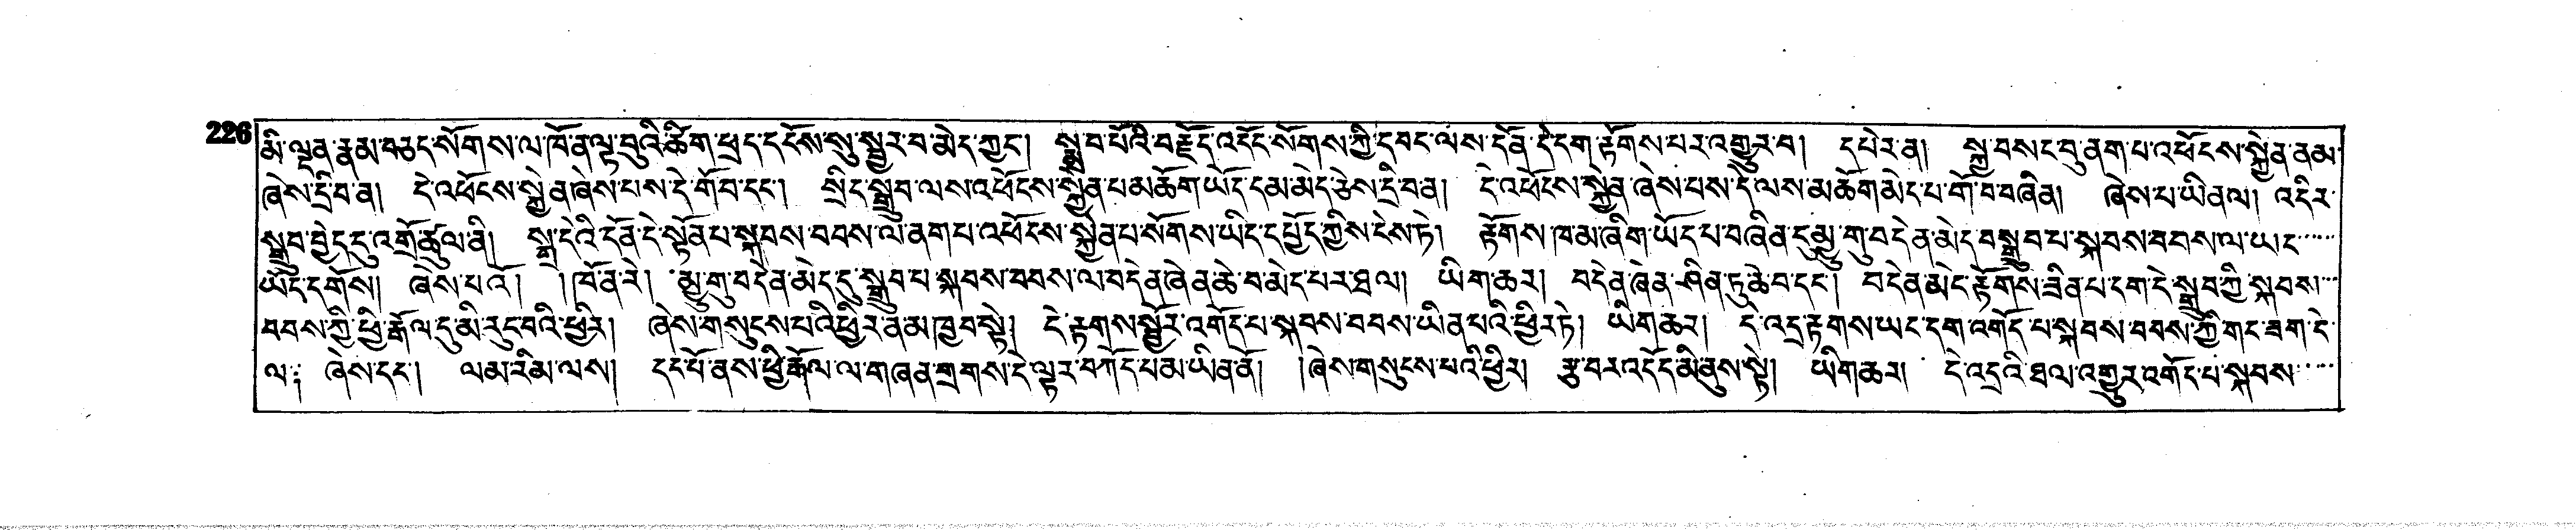མི་ལྡན་རྣམ་བཅད་སོགས་ལ་ཁོ་ན་ལྟ་བུའི་ཚིག་ཕྲད་དངོས་སུ་སྦྱར་བ་མེད་ཀྱང་། སྨྲ་བ་པོའི་བརྗོད་འདོད་སོགས་ཀྱི་དབང་ལས་དོན་དེ་དག་རྟོགས་པར་འགྱུར་བ། དཔེར་ན། སྐྱ་བསང་བུ་ནག་པ་འཕོངས་སྐྱེན་ནམ་
ཞེས་དྲི་བ་ན། དེ་འཕོངས་སྐྱེན་ཞེས་པས་དེ་གོ་བ་དང་། སྲིད་སྒྲུབ་ལས་འཕོངས་སྐྱེན་པ་མཆོག་ཡོད་དམ་མེད་ཅེས་དྲི་བ་ན། དེ་འཕོངས་སྐྱེན་ཞེས་པས་དེ་ལས་མཆོག་མེད་པ་གོ་བ་བཞིན། ཞེས་པ་ཡིན་ལ། འདིར་
སྒྲུབ་བྱེད་དུ་འགྲོ་ཚུལ་ནི། སྒྲ་དེའི་དོན་དེ་སྟོན་པ་སྐབས་བབས་ལ་ནག་པ་འཕོངས་སྐྱེན་པ་སོགས་ཡིད་དཔྱོད་ཀྱིས་ངེས་ཏེ། རྟོགས་ཁ་མ་ཞིག་ཡོད་པ་བཞིན་དུ་མྱུ་གུ་བདེན་མེད་བསྒྲུབ་པ་སྐབས་བབས་ལ་ཡང་
ཡོད་དགོས། ཞེས་པའོ། །ཁོ་ན་རེ། མྱུ་གུ་བདེན་མེད་དུ་སྒྲུབ་པ་སྐབས་བབས་ལ་བདེན་ཞེན་ཆེ་བ་མེད་པར་ཐལ། ཡིག་ཆར། བདེན་ཞེན་ཤིན་ཏུ་ཆེ་བ་དང་། བདེན་མེད་རྟོགས་ཟིན་པ་དག་དེ་སྒྲུབ་ཀྱི་སྐབས་
བབས་ཀྱི་ཕྱི་རྒོལ་དུ་མི་རུང་བའི་ཕྱིར། ཞེས་གསུངས་པའི་ཕྱིར་ན་མ་ཁྱབ་སྟེ། དེ་རྟགས་སྦྱོར་འགོད་པ་སྐབས་བབས་ཡིན་པའི་ཕྱིར་ཏེ། ཡིག་ཆར། དེ་འདྲ་རྟགས་ཡང་དག་འགོད་པ་སྐབས་བབས་ཀྱི་གང་ཟག་དེ་
ལ༑ ཞེས་དང་། ལམ་རིམ་ལས། དང་པོ་ནས་ཕྱི་རྒོལ་ལ་གཞན་གྲགས་དེ་ལྟར་བཀོད་པ་མ་ཡིན་ནོ། །ཞེས་གསུངས་པའི་ཕྱིར། རྩ་བར་འདོད་མི་ནུས་སྟེ། ཡིག་ཆར། དེ་འདྲའི་ཐལ་འགྱུར་འགོད་པ་སྐབས་